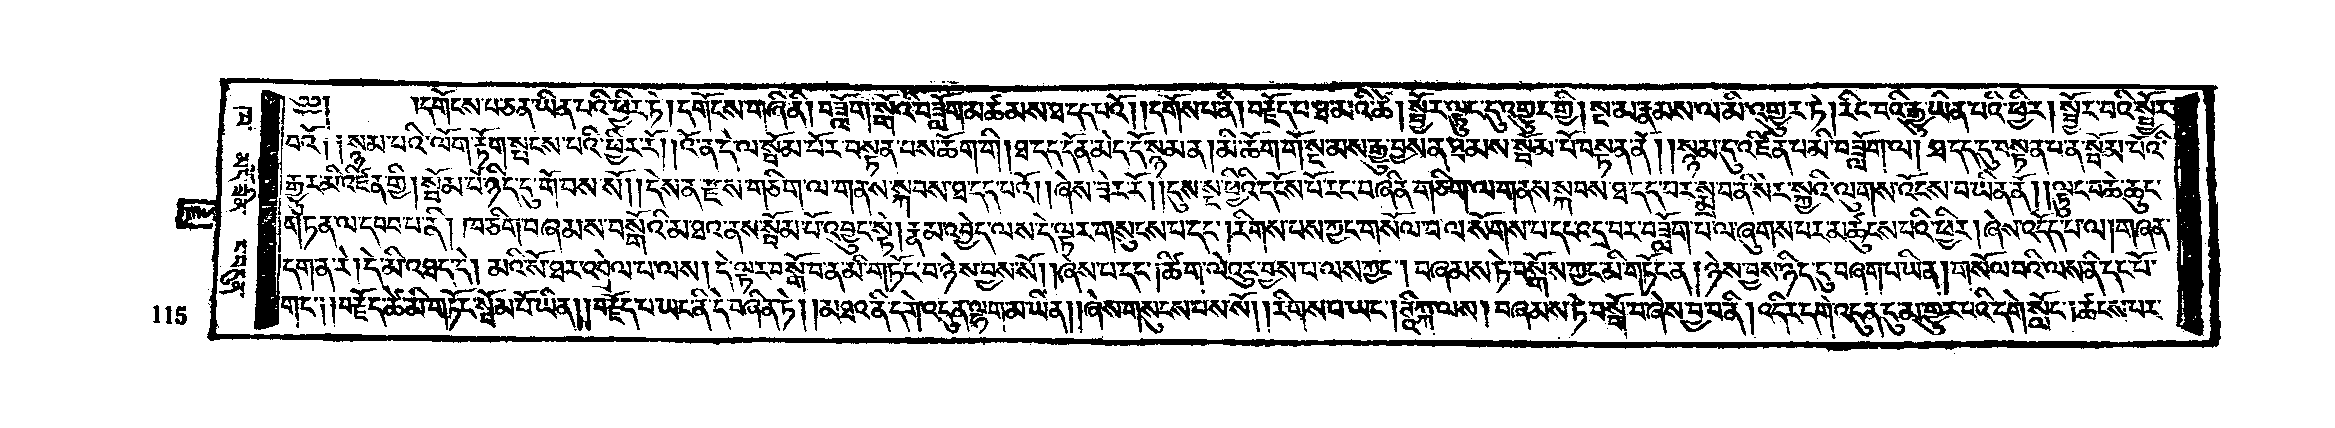༄༅། །དགོངས་པ་ཅན་ཡིན་པའི་ཕྱིར་ཏེ། དགོངས་གཞི་ནི། བཟློག་སྒོའི་བཟློག་མཚམས་ཐ་དད་པའོ། །དགོས་པ་ནི། བརྗོད་པ་ཐ་མའི་ཚེ། སྦྱོར་ལྟུང་དུ་འགྱུར་གྱི། སྔ་མ་རྣམས་ལ་མི་འགྱུར་ཏེ། རིང་བའི་རྒྱུ་ཡིན་པའི་ཕྱིར། སྦྱོར་བའི་སྦྱོར་
བའོ། །སྙམ་པའི་ལོག་རྟོག་སྤངས་པའི་ཕྱིར་རོ། །འོ་ན་དེ་ལ་སྦོམ་པོར་བསྟན་པས་ཆོག་གི །ཐ་དད་དོན་མེད་དོ་སྙམ་ན། མི་ཆོག་གོ་སྔ་མས་རྒྱུ་བྱས་ན་ཐ་མས་སྦོམ་པོ་བསྟན་ནོ། །སྙམ་དུ་འཛིན་པ་མི་བཟློག་ལ། ཐ་དད་དུ་བསྟན་པ་ན་སྦོམ་པོའི་
རྒྱུར་མི་འཛིན་གྱི། སྦོམ་པོ་ཉིད་དུ་གོ་བས་སོ། །དེས་ན་རྫས་གཅིག་ལ་གནས་སྐབས་ཐ་དད་པའོ། །ཞེས་ཟེར་རོ། །དུས་སྔ་ཕྱིའི་དངོས་པོ་རང་བཞིན་གཅིག་ལ་གནས་སྐབས་ཐ་དད་པར་སྨྲ་བ་ནི་སེར་སྐྱའི་ལུགས་འོངས་བ་ཡིན་ནོ། །ལྟུང་བ་ཆེ་ཆུང་
གཏན་ལ་དབབ་པ་ནི། ཁ་ཅིག་བཞམས་བསྒོའི་མཐའ་ནས་སྦོམ་པོ་འབྱུང་སྟེ། རྣམ་འབྱེད་ལས་དེ་ལྟར་གསུངས་པ་དང་། རིགས་པས་ཀྱང་གསོལ་བ་ལ་སོགས་པ་དང་འདྲ་བར་བཟློག་པ་ལ་ཞུགས་པར་མཚུངས་པའི་ཕྱིར། ཞེས་འདོད་པ་ལ། གཞན་
དག་ན་རེ། དེ་མི་འཐད་དེ། མའི་སོ་ཐར་འགྲེལ་པ་ལས། དེ་ལྟར་བསྒོ་བ་ན་མི་གཏོང་བ་ཉེས་བྱས་སོ། །ཞེས་པ་དང་། ཚིག་ལེའུར་བྱས་པ་ལས་ཀྱང་། བཞམས་ཏེ་བསྒོས་ཀྱང་མི་གཏོང་ན། ཉེས་བྱས་ཉིད་དུ་བཞག་པ་ཡིན། གསོལ་བའི་ལས་ནི་དང་པོ་
གང༑ ༑བརྗོད་ཚེ་མི་གཏོང་སྦོམ་པོ་ཡིན། །བརྗོད་པ་ཡང་ནི་དེ་བཞིན་ཏེ། །མཐའ་ནི་དགེ་འདུན་ལྷག་མ་ཡིན། །ཞེས་གསུངས་པས་སོ། །རིགས་པ་ཡང་། ཊཱིཀྐ་ལས། བཞམས་ཏེ་བསྒོ་བ་ཞེས་བྱ་བ་ནི། འདིར་དགེ་འདུན་དུ་མ་གྱུར་པའི་དགེ་སློང་། ཚངས་པར་